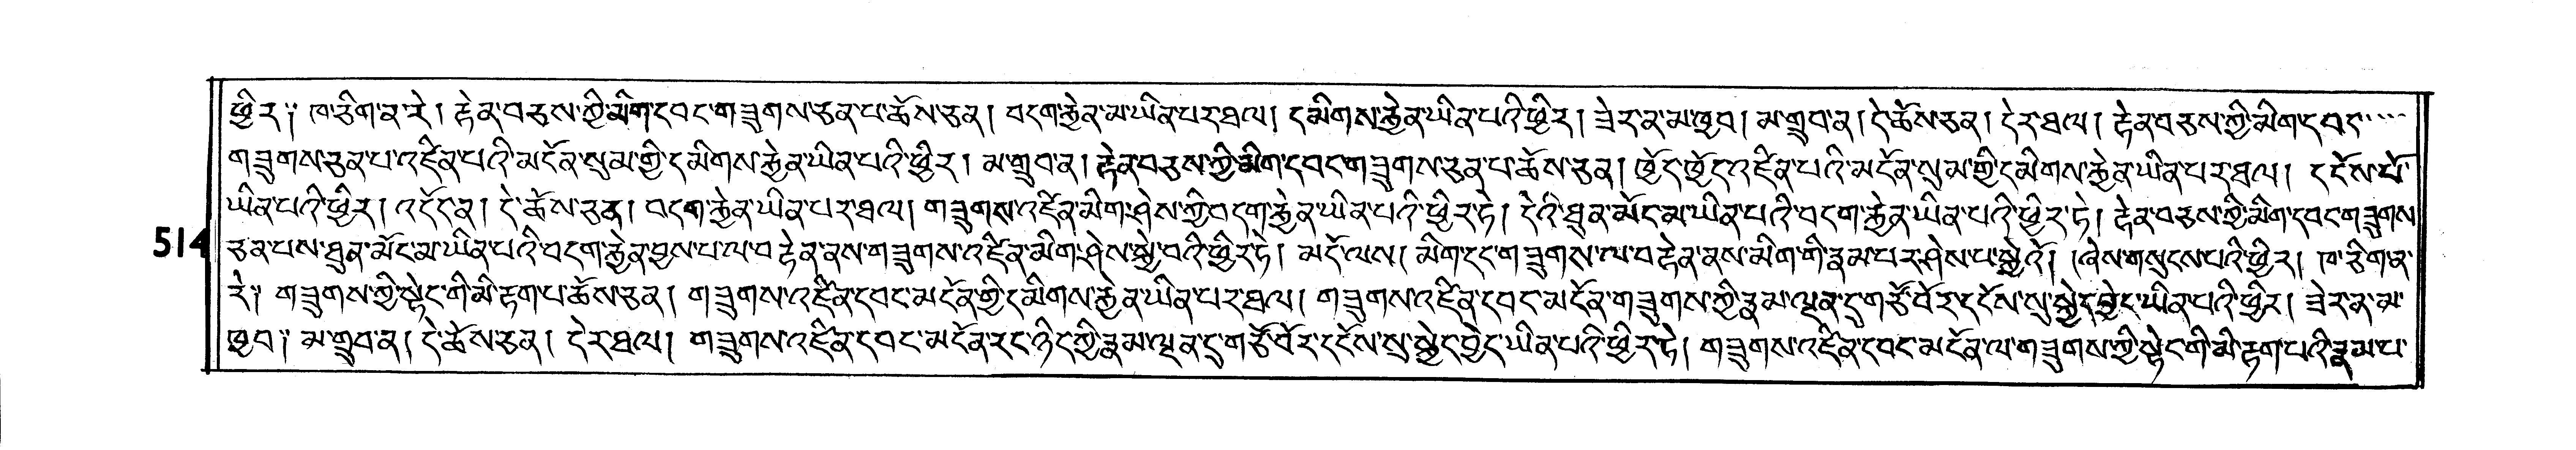ཕྱིར༑ ཁ་ཅིག་ན་རེ། རྟེན་བཅས་ཀྱི་མིག་དབང་གཟུགས་ཅན་པ་ཆོས་ཅན། བདག་རྐྱེན་མ་ཡིན་པར་ཐལ། དམིགས་རྐྱེན་ཡིན་པའི་ཕྱིར། ཟེར་ན་མ་ཁྱབ། མ་གྲུབ་ན། དེ་ཆོས་ཅན། དེར་ཐལ། རྟེན་བཅས་ཀྱི་མིག་དབང་
གཟུགས་ཅན་པ་འཛིན་པའི་མངོན་སུམ་གྱི་དམིགས་རྐྱེན་ཡིན་པའི་ཕྱིར། མ་གྲུབ་ན། རྟེན་བཅས་ཀྱི་མིག་དབང་གཟུགས་ཅན་པ་ཆོས་ཅན། ཁྱོད་ཁྱོད་འཛིན་པའི་མངོན་སུམ་གྱི་དམིགས་རྐྱེན་ཡིན་པར་ཐལ། དངོས་པོ་
ཡིན་པའི་ཕྱིར། འདོད་ན། དེ་ཆོས་ཅན། བདག་རྐྱེན་ཡིན་པར་ཐལ། གཟུགས་འཛིན་མིག་ཤེས་ཀྱི་བདག་རྐྱེན་ཡིན་པའི་ཕྱིར་ཏེ། དེའི་ཐུན་མོང་མ་ཡིན་པའི་བདག་རྐྱེན་ཡིན་པའི་ཕྱིར་ཏེ། རྟེན་བཅས་ཀྱི་མིག་དབང་གཟུགས་
ཅན་པས་ཐུན་མོང་མ་ཡིན་པའི་བདག་རྐྱེན་བྱས་པ་ལ་བརྟེན་ནས་གཟུགས་འཛིན་མིག་ཤེས་སྐྱེ་བའི་ཕྱིར་ཏེ། མདོ་ལས། མིག་དང་གཟུགས་ལ་བརྟེན་ནས་མིག་གི་རྣམ་པར་ཤེས་པ་སྐྱེའོ། །ཞེས་གསུངས་པའི་ཕྱིར། ཁ་ཅིག་ན་
རེ༑ གཟུགས་ཀྱི་སྟེང་གི་མི་རྟག་པ་ཆོས་ཅན། གཟུགས་འཛིན་དབང་མངོན་གྱི་དམིགས་རྐྱེན་ཡིན་པར་ཐལ། གཟུགས་འཛིན་དབང་མངོན་གཟུགས་ཀྱི་རྣམ་ལྡན་དུ་གཙོ་བོར་དངོས་སུ་སྐྱེད་བྱེད་ཡིན་པའི་ཕྱིར། ཟེར་ན་མ་
ཁྱབ༑ མ་གྲུབ་ན། དེ་ཆོས་ཅན། དེར་ཐལ། གཟུགས་འཛིན་དབང་མངོན་རང་ཉིད་ཀྱི་རྣམ་ལྡན་དུ་གཙོ་བོར་དངོས་སུ་སྐྱེད་བྱེད་ཡིན་པའི་ཕྱིར་ཏེ། གཟུགས་འཛིན་དབང་མངོན་ལ་གཟུགས་ཀྱི་སྟེང་གི་མི་རྟག་པའི་རྣམ་པ་